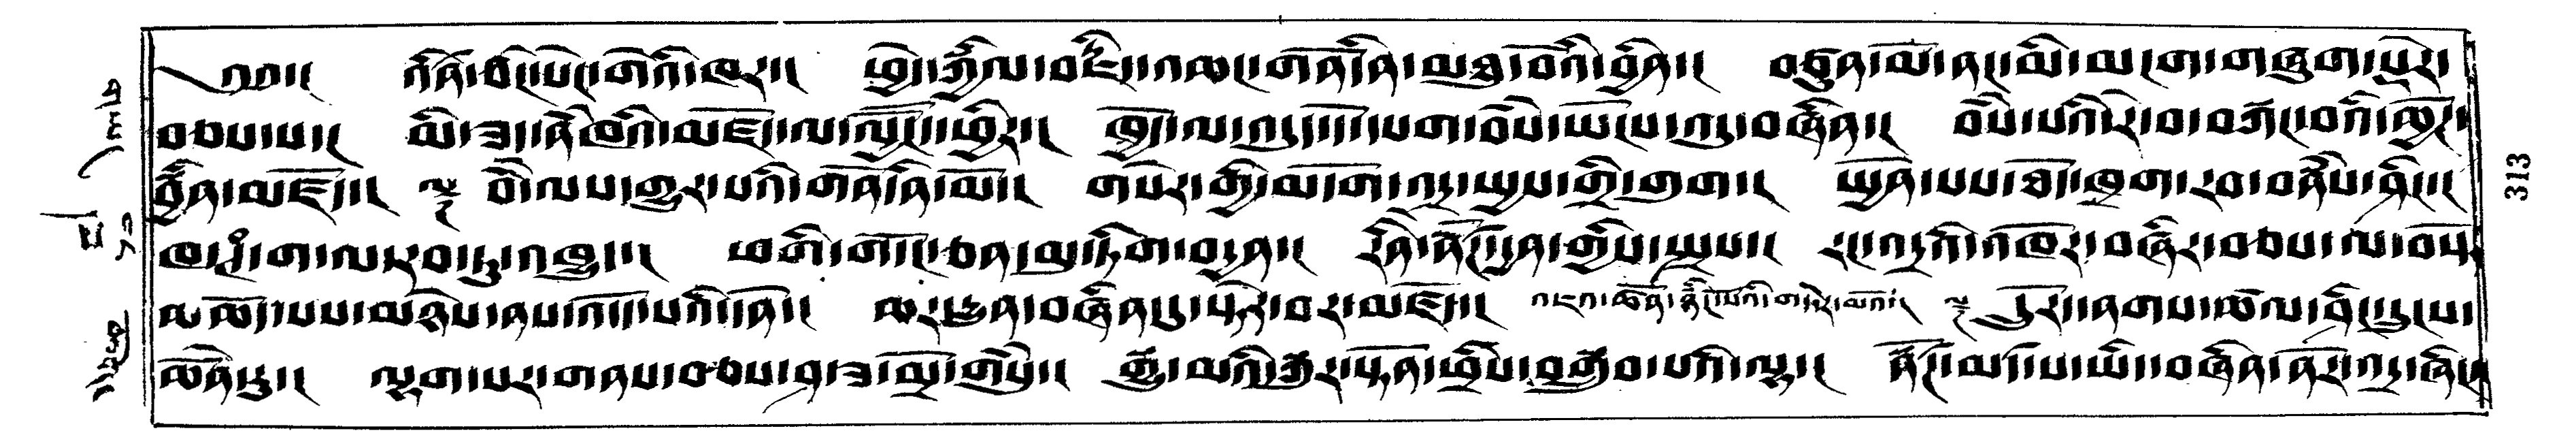འཛིན་ཅིང་སེང་གེའི་ཁར། །ཕྱེད་སྐྱིལ་བརྗེད་འཆང་གནོད་སྦྱིན་མཐུ་བོའི་བྱིན། །བཙུན་མོ་ནང་མི་མངག་གཞུག་སྡེར་
བཅས་པ། །མི་ཟད་ནམ་མཁའི་མཛོད་ལ་ལོངས་སྤྱོད་ཕྱིར། །ཁྱོད་ལ་འདུད་དོ་དཔག་བསམ་ཡོངས་འདུ་བཞིན། །བསམ་པའི་རེ་བ་བསྐང་བའི་མཆོག་
སྦྱིན་མཛད།། ༈ བམ་ལས་གྱུར་གནོད་སྦྱིན་མོ། །གསེར་གྱི་མདོག་འདྲ་གཡས་གྲི་གུག །གཡོན་པས་ཐོད་ཁྲག་རབ་བསྣམས་ཤིང་། 
ཁ་ཊཾ་ག་ལ་རབ་ཏུ་འཁྱུད། །ཕག་གི་གདོང་ཅན་མུ་ཏིག་བརྒྱན། །རིན་ཆེན་སྣ་ཚོགས་རྒྱན་གྱིས་སྤྲས། །རང་འདྲའི་འཁོར་བཞི་བཅས་ལ་བསྟོད། 
མཆོད་པས་མཉེས་ནས་འདོད་པའི་དོན། །ཆར་རྒྱུན་བཞིན་དུ་སྟེར་བར་མཛོད།། འཇའ་ཚོན་སྙིང་པོའི་གཏེར་མའོ། ༈ དུར་ཁྲོད་ནགས་ཚལ་ཤིང་དྲུང་
ཆེན་པོ་རུ། ལྷག་པར་གནས་བཅས་ཤ་ཟ་མཁའ་འགྲོ་གསུམ། སྒྱུ་མའི་སྐུར་སྟོན་ཕྲིན་ལས་གྲུབ་པའི་ལྷ། །སྣ་ཚོགས་མཛད་པ་ཡིད་བཞིན་ནོར་འདྲ་ཞིང་།།